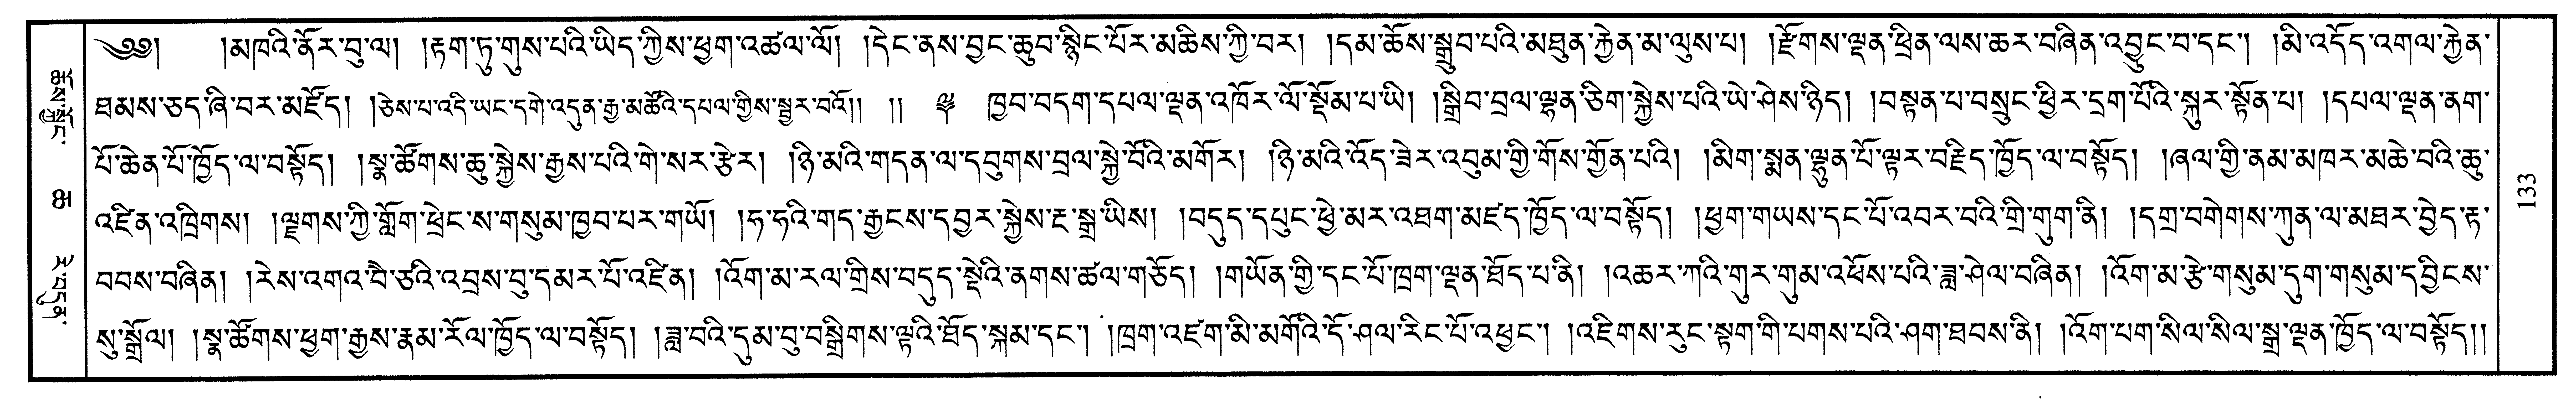༄༅། །མཁའི་ནོར་བུ་ལ། །རྟག་ཏུ་གུས་པའི་ཡིད་ཀྱིས་ཕྱག་འཚལ་ལོ། །དེང་ནས་བྱང་ཆུབ་སྙིང་པོར་མཆིས་ཀྱི་བར། །དམ་ཆོས་སྒྲུབ་པའི་མཐུན་རྐྱེན་མ་ལུས་པ། །རྫོགས་ལྡན་ཕྲིན་ལས་ཆར་བཞིན་འབྱུང་བ་དང་། །མི་འདོད་འགལ་རྐྱེན་
ཐམས་ཅད་ཞི་བར་མཛོད། །ཅེས་པ་འདི་ཡང་དགེ་འདུན་རྒྱ་མཚོའི་དཔལ་གྱིས་སྦྱར་བའོ།། །། ༈ ཁྱབ་བདག་དཔལ་ལྡན་འཁོར་ལོ་སྡོམ་པ་ཡི། །སྒྲིབ་བྲལ་ལྷན་ཅིག་སྐྱེས་པའི་ཡེ་ཤེས་ཉིད། །བསྟན་པ་བསྲུང་ཕྱིར་དྲག་པོའི་སྐུར་སྟོན་པ། །དཔལ་ལྡན་ནག་
པོ་ཆེན་པོ་ཁྱོད་ལ་བསྟོད། །སྣ་ཚོགས་ཆུ་སྐྱེས་རྒྱས་པའི་གེ་སར་རྩེར། །ཉི་མའི་གདན་ལ་དབུགས་བྲལ་སྐྱེ་བོའི་མགོར། །ཉི་མའི་འོད་ཟེར་འབུམ་གྱི་གོས་གྱོན་པའི། །མིག་སྨན་ལྷུན་པོ་ལྟར་བརྗིད་ཁྱོད་ལ་བསྟོད། །ཞལ་གྱི་ནམ་མཁར་མཆེ་བའི་ཆུ་
འཛིན་འཁྲིགས། །ལྗགས་ཀྱི་གློག་ཕྲེང་ས་གསུམ་ཁྱབ་པར་གཡོ། །ཧ་ཧའི་གད་རྒྱངས་དབྱར་སྐྱེས་རྔ་སྒྲ་ཡིས། །བདུད་དཔུང་ཕྱེ་མར་འཐག་མཛད་ཁྱོད་ལ་བསྟོད། །ཕྱག་གཡས་དང་པོ་འབར་བའི་གྲི་གུག་ནི། །དགྲ་བགེགས་ཀུན་ལ་མཐར་བྱེད་རྟག་
བབས་བཞིན། །རེས་འགའ་བཻ་ཅའི་འབྲས་བུ་དམར་པོ་འཛིན། །འོག་མ་རལ་གྲིས་བདུད་སྡེའི་ནགས་ཚལ་གཅོད། །གཡོན་གྱི་དང་པོ་ཁྲག་ལྡན་ཐོད་པ་ནི། །འཆར་ཀའི་གུར་གུམ་འཕོས་པའི་ཟླ་ཤེལ་བཞིན། །འོག་མ་རྩེ་གསུམ་དུག་གསུམ་དབྱིངས་
སུ་སྒྲོལ། །སྣ་ཚོགས་ཕྱག་རྒྱས་རྣམ་རོལ་ཁྱོད་ལ་བསྟོད། །ཟླ་བའི་དུམ་བུ་བསྒྲིགས་ལྟའི་ཐོད་སྐམ་དང་། །ཁྲག་འཛག་མི་མགོའི་དོ་ཤལ་རིང་པོ་འཕྱང་། །འཇིགས་རུང་སྟག་གི་པགས་པའི་ཤག་ཐབས་ནི། །འོག་པག་སིལ་སིལ་སྒྲ་ལྡན་ཁྱོད་ལ་བསྟོད།།